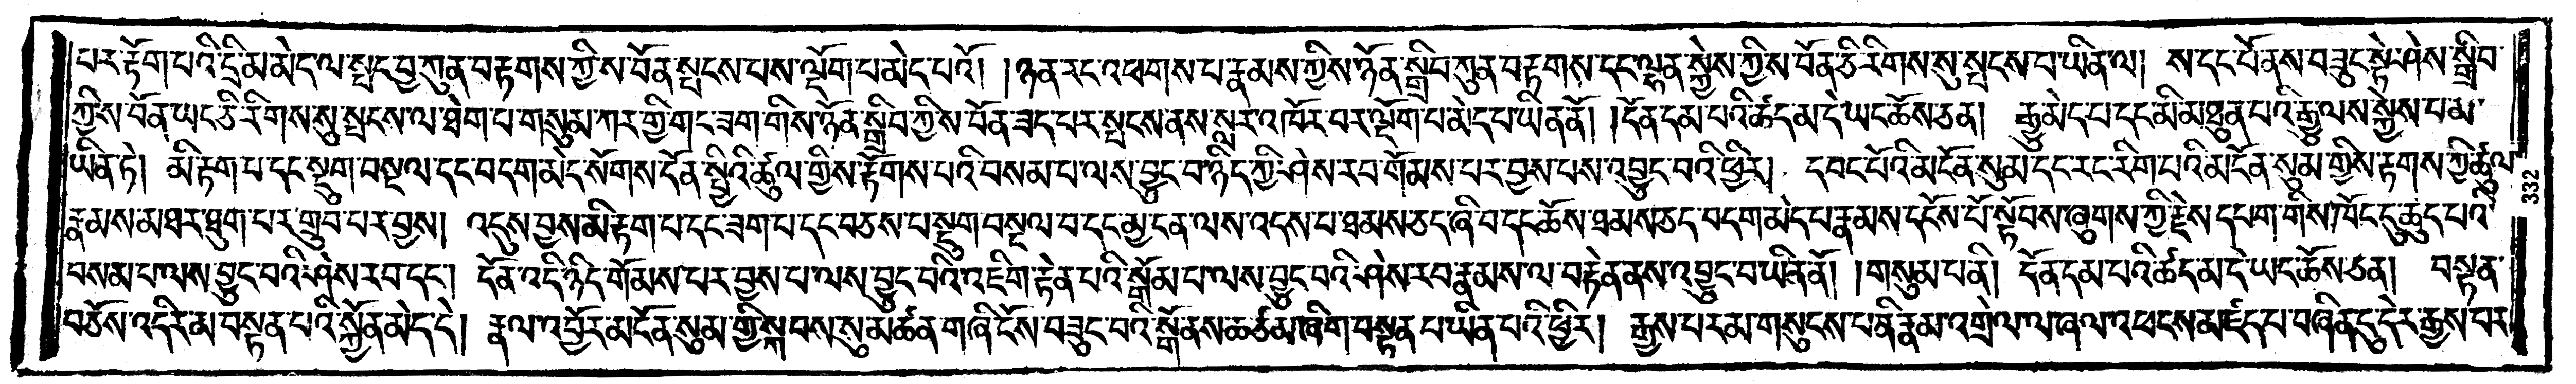པར་རྟོག་པའི་དྲི་མ་མེད་ལ་སྤང་བྱ་ཀུན་བརྟགས་ཀྱི་ས་བོན་སྤངས་པས་ལྡོག་པ་མེད་པའོ། །ཉན་རང་འཕགས་པ་རྣམས་ཀྱིས་ཉོན་སྒྲིབ་ཀུན་བརྟགས་དང་ལྷན་སྐྱེས་ཀྱི་ས་བོན་ཅི་རིགས་སུ་སྤངས་པ་ཡིན་ལ། ས་དང་པོ་ནས་བཟུང་སྟེ་ཤེས་སྒྲིབ་
ཀྱི་ས་བོན་ཡང་ཅི་རིགས་སུ་སྤངས་ལ་ཐེག་པ་གསུམ་ཀར་གྱི་གང་ཟག་གིས་ཉོན་སྒྲིབ་ཀྱི་ས་བོན་ཟད་པར་སྤངས་ནས་སླར་འཁོར་བར་ལྡོག་པ་མེད་པ་ཡིན་ནོ། །དོན་དམ་པའི་ཚད་མ་དེ་ཡང་ཆོས་ཅན། རྒྱུ་མེད་པ་དང་མི་མཐུན་པའི་རྒྱུ་ལས་སྐྱེས་པ་མ་
ཡིན་ཏེ། མི་རྟག་པ་དང་སྡུག་བསྔལ་དང་བདག་མེད་སོགས་དོན་སྤྱིའི་ཚུལ་གྱིས་རྟོགས་པའི་བསམ་པ་ལས་བྱུང་བ་ཉིད་ཀྱི་ཤེས་རབ་གོམས་པར་བྱས་པས་འབྱུང་བའི་ཕྱིར། དབང་པོའི་མངོན་སུམ་དང་རང་རིག་པའི་མངོན་སུམ་གྱིས་རྟགས་ཀྱི་ཚུལ་
རྣམས་མཐར་ཐུག་པར་གྲུབ་པར་བྱས། འདུས་བྱས་མི་རྟག་པ་དང་ཟག་པ་དང་བཅས་པ་སྡུག་བསྔལ་བ་དང་མྱ་ངན་ལས་འདས་པ་ཐམས་ཅད་ཞི་བ་དང་ཆོས་ཐམས་ཅད་བདག་མེད་པ་རྣམས་དངོས་པོ་སྟོབས་ཞུགས་ཀྱི་རྗེས་དཔག་གིས་ཁོང་དུ་ཆུད་པའི་
བསམ་པ་ལས་བྱུང་བའི་ཤེས་རབ་དང་། དོན་འདི་ཉིད་གོམས་པར་བྱས་པ་ལས་བྱུང་བའི་འཇིག་རྟེན་པའི་སྒོམ་པ་ལས་བྱུང་བའི་ཤེས་རབ་རྣམས་ལ་བརྟེན་ནས་འབྱུང་བ་ཡིན་ནོ། །གསུམ་པ་ནི། དོན་དམ་པའི་ཚད་མ་དེ་ཡང་ཆོས་ཅན། བསྟན་
བཅོས་འདིར་མ་བསྟན་པའི་སྐྱོན་མེད་དེ། རྣལ་འབྱོར་མངོན་སུམ་གྱི་སྐབས་སུ་མཚན་གཞི་ངོས་བཟུང་བའི་སྒོ་ནས་ཆ་ཙམ་ཞིག་བསྟན་པ་ཡིན་པའི་ཕྱིར། རྒྱས་པར་མ་གསུངས་པ་ནི་རྣམ་འགྲེལ་ལ་ཞལ་འཕངས་མཛད་པ་བཞིན་དུ་དེར་རྒྱས་པར་